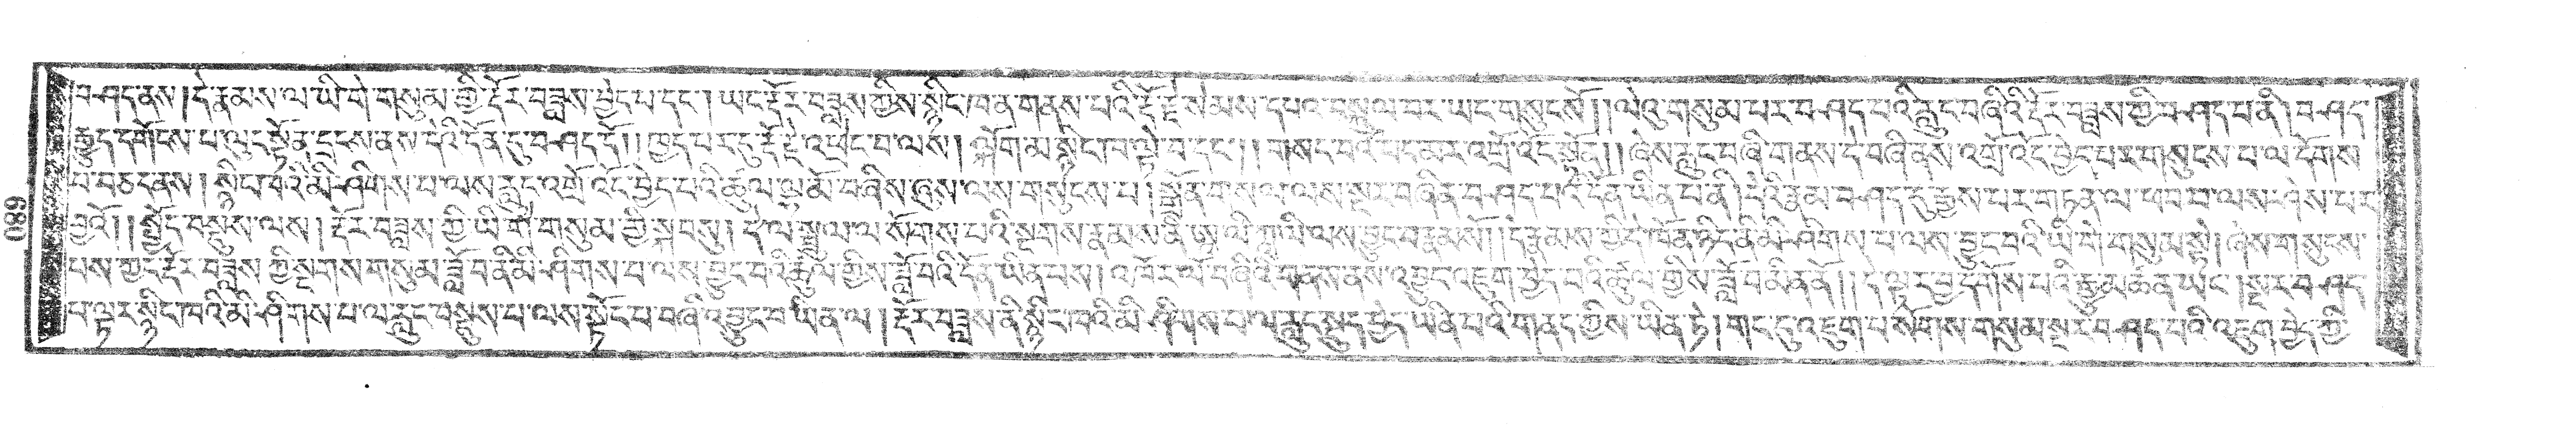བཤད་ནས། དེ་རྣམས་ལ་ཡི་གེ་གསུམ་གྱི་རྡོར་བཟླས་བྱེད་པ་དང་། ཡང་རྡོར་བཟླས་ཀྱིས་སྙིང་ཁ་ན་གནས་པའི་རྡོ་རྗེ་སེམས་དཔའ་བསྐུལ་བར་ཡང་གསུངས་སོ། །ལེའུ་གསུམ་པར་བཤད་པའི་རླུང་བཞིའི་རྡོར་བཟླས་ཀྱི་བཤད་པ་ནི། བཤད་
རྒྱུད་དགོངས་པ་ལུང་སྟོན་དྲངས་ནས་དེའི་དོན་དུ་བཤད་དོ། །ཁྱད་པར་དུ་རྡོ་རྗེ་འཕྲེང་བ་ལས། ལྐོག་མ་སྙིང་ཁ་ལྟེ་བ་དང་། །གསང་བའི་པད་མར་འགྲོ་འོང་སྟོན། །ཞེས་རླུང་བཞི་གནས་དེ་བཞི་ནས་འགྲོ་འོང་བྱེད་པར་གསུངས་པ་ལ་དོགས་
པ་བཅད་ནས། སྙིང་ཁའི་མི་ཤིགས་པ་ལས་རླུང་འགྲོ་འོང་བྱེད་པའི་ཚུལ་ལྷ་མོ་བཞིས་ཞུས་ལས་གསུངས་པ། སྒྲོན་གསལ་ལས་སྔར་བཞིན་བཤད་པའི་དོན་ཡིན་པ་ནི། དེའི་རྣམ་བཤད་དུ་རྒྱས་པར་གཏན་ལ་ཕབ་པ་ལས་ཤེས་པར་
བྱའོ། །སྤྱོད་བསྡུས་ལས། རྡོར་བཟླས་ཀྱི་ཡི་གེ་གསུམ་གྱི་སྐབས་སུ། དེ་ལ་སྤྲུལ་ལ་སོགས་པའི་སྔགས་རྣམས་ནི་ཨཱ་ལི་ཀཱ་ལི་ལས་བྱུང་བ་རྣམས་སོ། །དེ་རྣམས་ཀྱི་དེ་ཁོ་ན་ཉིད་ནི་མི་ཤིགས་པ་ལས་བྱུང་བའི་ཡི་གེ་གསུམ་སྟེ། ཞེས་གསུངས་
པས་ཀྱང་རྡོར་བཟླས་ཀྱི་སྔགས་གསུམ་ཟློ་བ་ནི་མི་ཤིགས་པ་ལས་བྱུང་བའི་ཚུལ་གྱིས་ཟློ་བའི་དོན་ཡིན་པས། འཁོར་ལོ་བཞིའི་གནས་ནས་འབྱུང་འཇུག་བྱེད་པའི་ཚུལ་གྱིས་ཟློ་བ་མིན་ནོ། །དེ་ལྟར་བྱ་དགོས་པའི་རྒྱུ་མཚན་ཡང་། སྔར་བཤད་
པ་ལྟར་སྙིང་ཁའི་མི་ཤིགས་པ་ལ་རླུང་བསྡུས་པ་ལས་སྟོང་པ་བཞི་འབྱུང་བ་ཡིན་ལ། རྡོར་བཟླས་ནི་སྙིང་ཁའི་མི་ཤིགས་པ་ལ་རླུང་སྡུད་བྱེད་ཡིན་པའི་གནད་ཀྱིས་ཡིན་ཏེ། གང་དུ་འཇུག་པ་སོགས་གསུམ་སྔར་བཤད་པའི་འཇུག་བྱེད་ཀྱི་